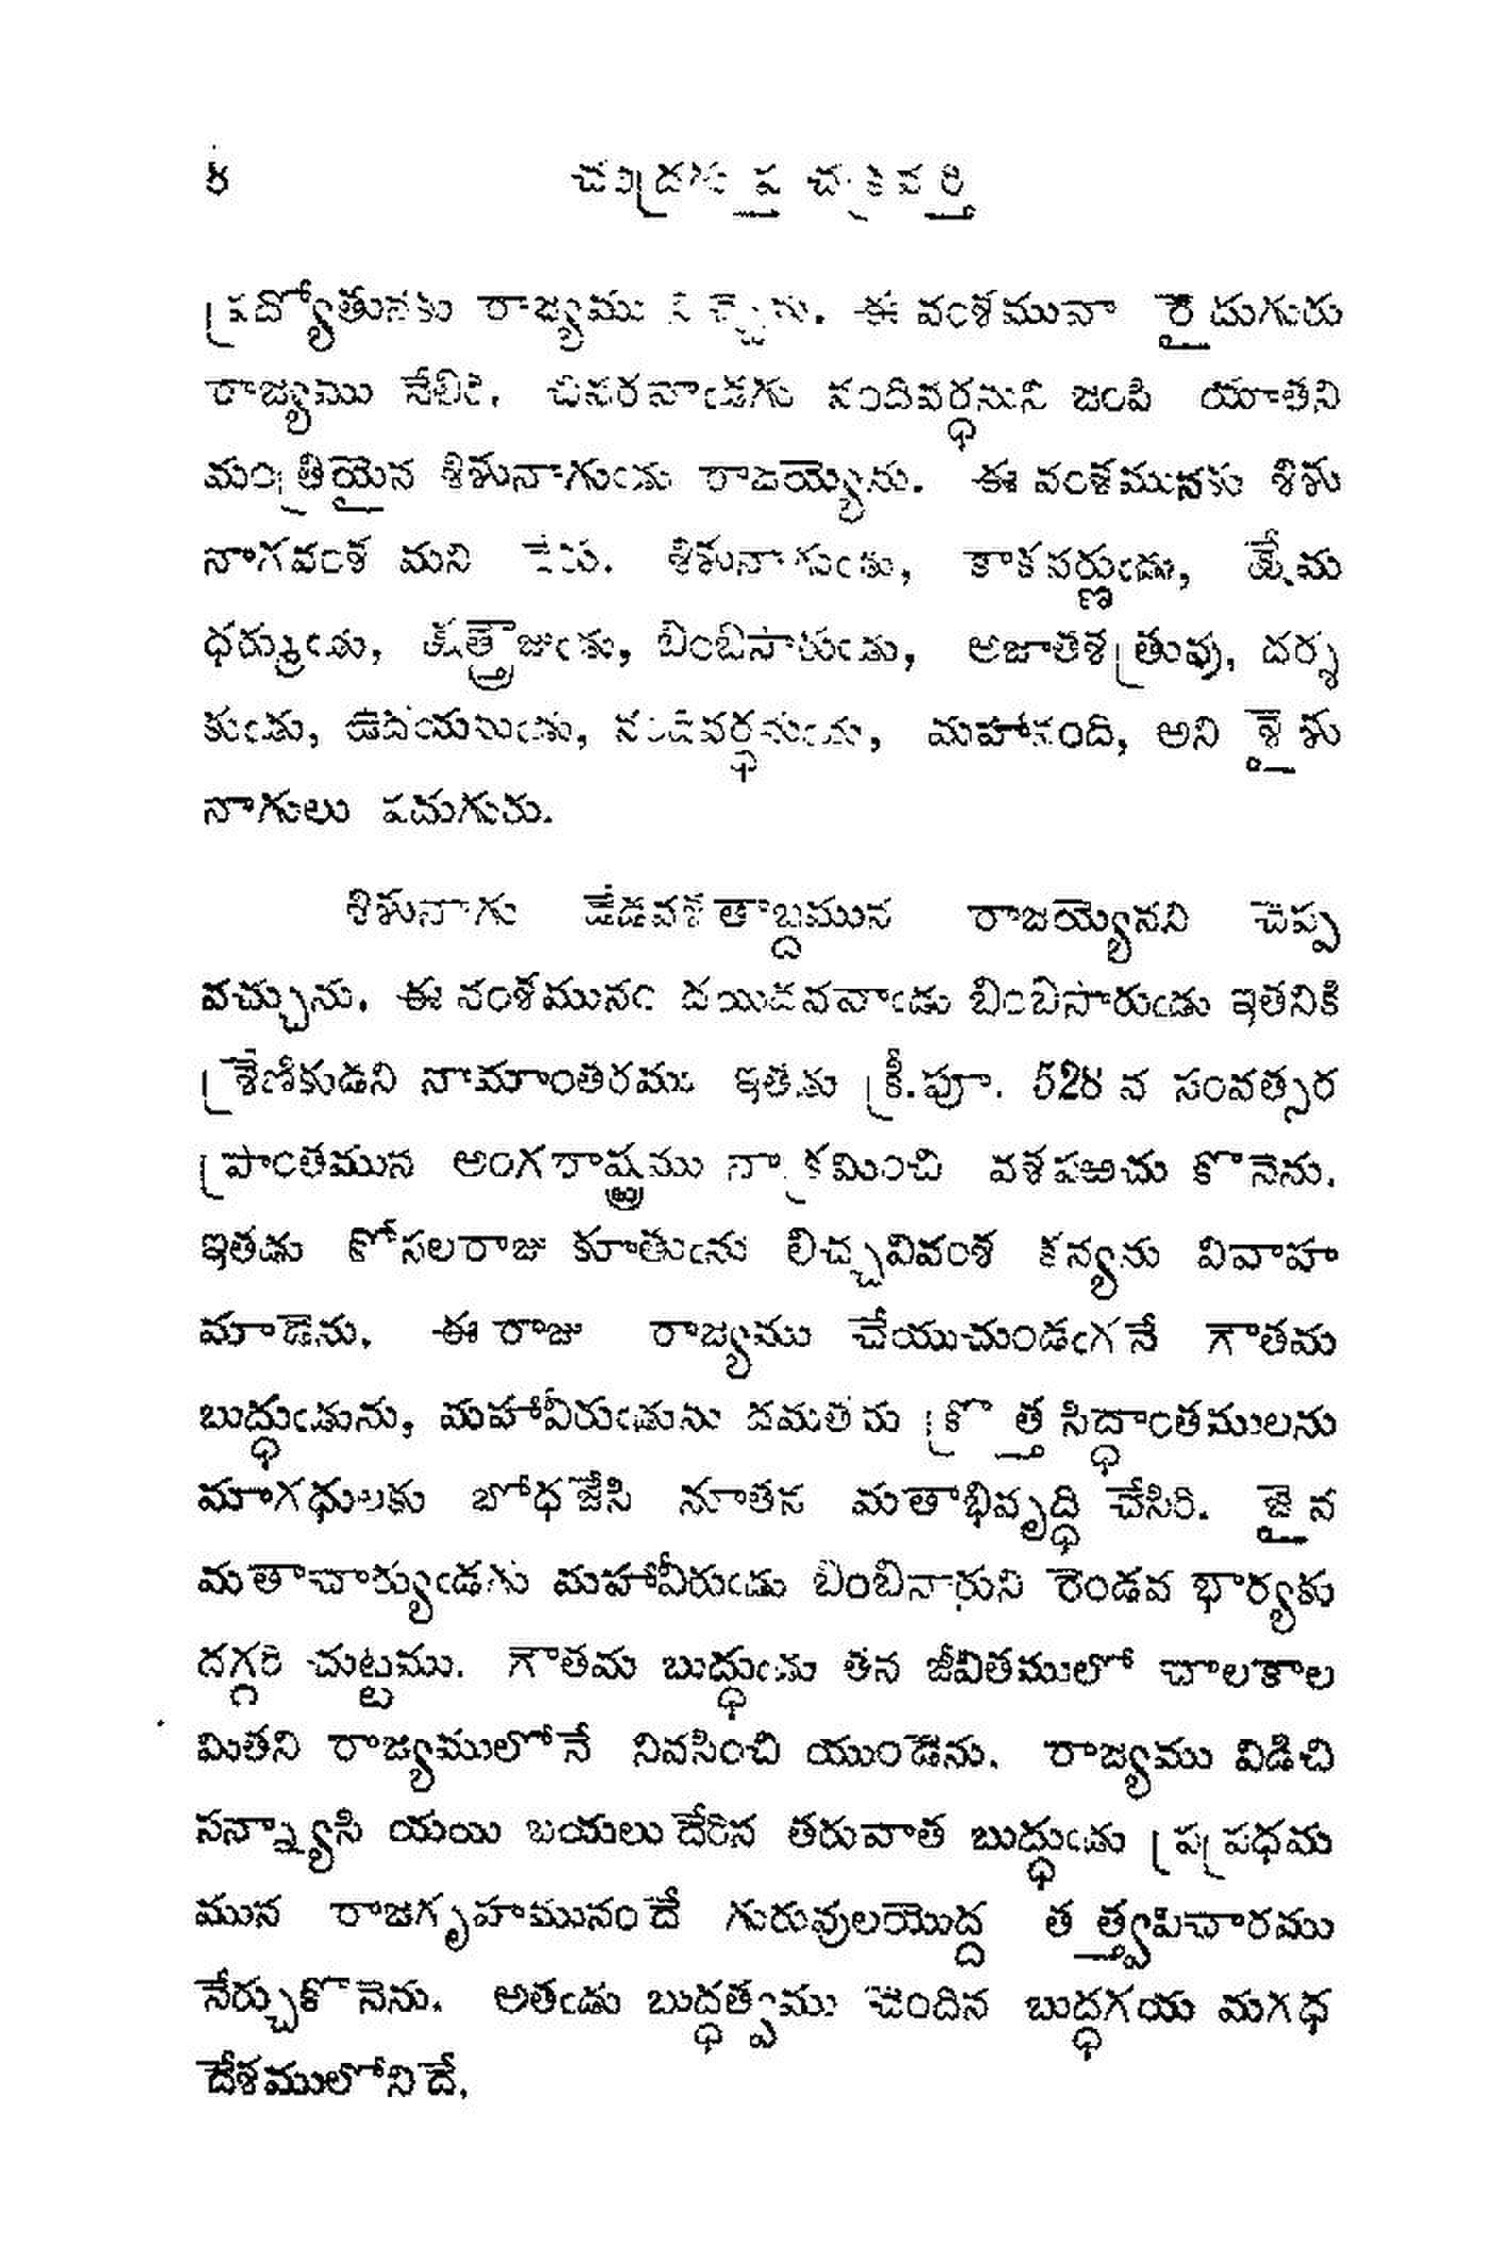ప్రద్యోతునకు రాజ్యము నిచ్చెను. ఈ వంశమువా రైదుగురు రాజ్యము నేలిరి. చివరవాఁడగు నందివర్ధనుని జంపి యాతని మంత్రియైన శిశునాగుఁడు రాజయ్యెను. ఈ వంశమునకు శిశునాగవంశ మని పేరు. శిశునాగుఁడు, కాకవర్ణుఁడు, క్షేమధర్ముఁడు, క్షత్త్రౌజుఁడు, బింబిసారుఁడు, అజాతశత్రువు, దర్శకుఁడు, ఉదయనుఁడు, నందివర్ధనుఁడు, మహానంది, అని శైశునాగులు పదుగురు.

శిశునాగు డేడవశతాబ్దమున రాజయ్యెనని చెప్పవచ్చును. ఈ వంశమునం దయిదవవాఁడు బింబిసారుఁడు. ఇతనికి శ్రేణికుడని నామాంతరము. ఇతడు క్రీ. పూ. 528 వ సంవత్సర ప్రాంతమున అంగరాష్ట్రము నాక్రమించి వశపఱచు కొనెను. ఇతడు కోసలరాజు కూతుఁను లిచ్చవివంశ కన్యను వివాహమాడెను. ఈరాజు రాజ్యము చేయుచుండఁగనే గౌతమబుద్ధుఁడును, మహావీరుఁడును దమతమ క్రొత్తసిద్ధాంతములను మాగధులకు బోధజేసి నూతన మతాభివృద్ధి చేసిరి. జైన మతాచార్యుఁడగు మహావీరుఁడు బింబిసారుని రెండవ భార్యకు దగ్గరి చుట్టము. గౌతమ బుద్ధుఁడు తన జీవితములో చాలకాల మితని రాజ్యములోనే నివసించి యుండెను. రాజ్యము విడిచి సన్న్యాసి యయి బయలుదేరిన తరువాత బుద్ధుఁడు ప్రప్రధమమున రాజగృహమునందే గురువులయొద్ద తత్త్వవిచారము నేర్చుకొనెను. అతఁడు బుద్ధత్వము చెందిన బుద్ధగయ మగధ దేశములోనిదే.